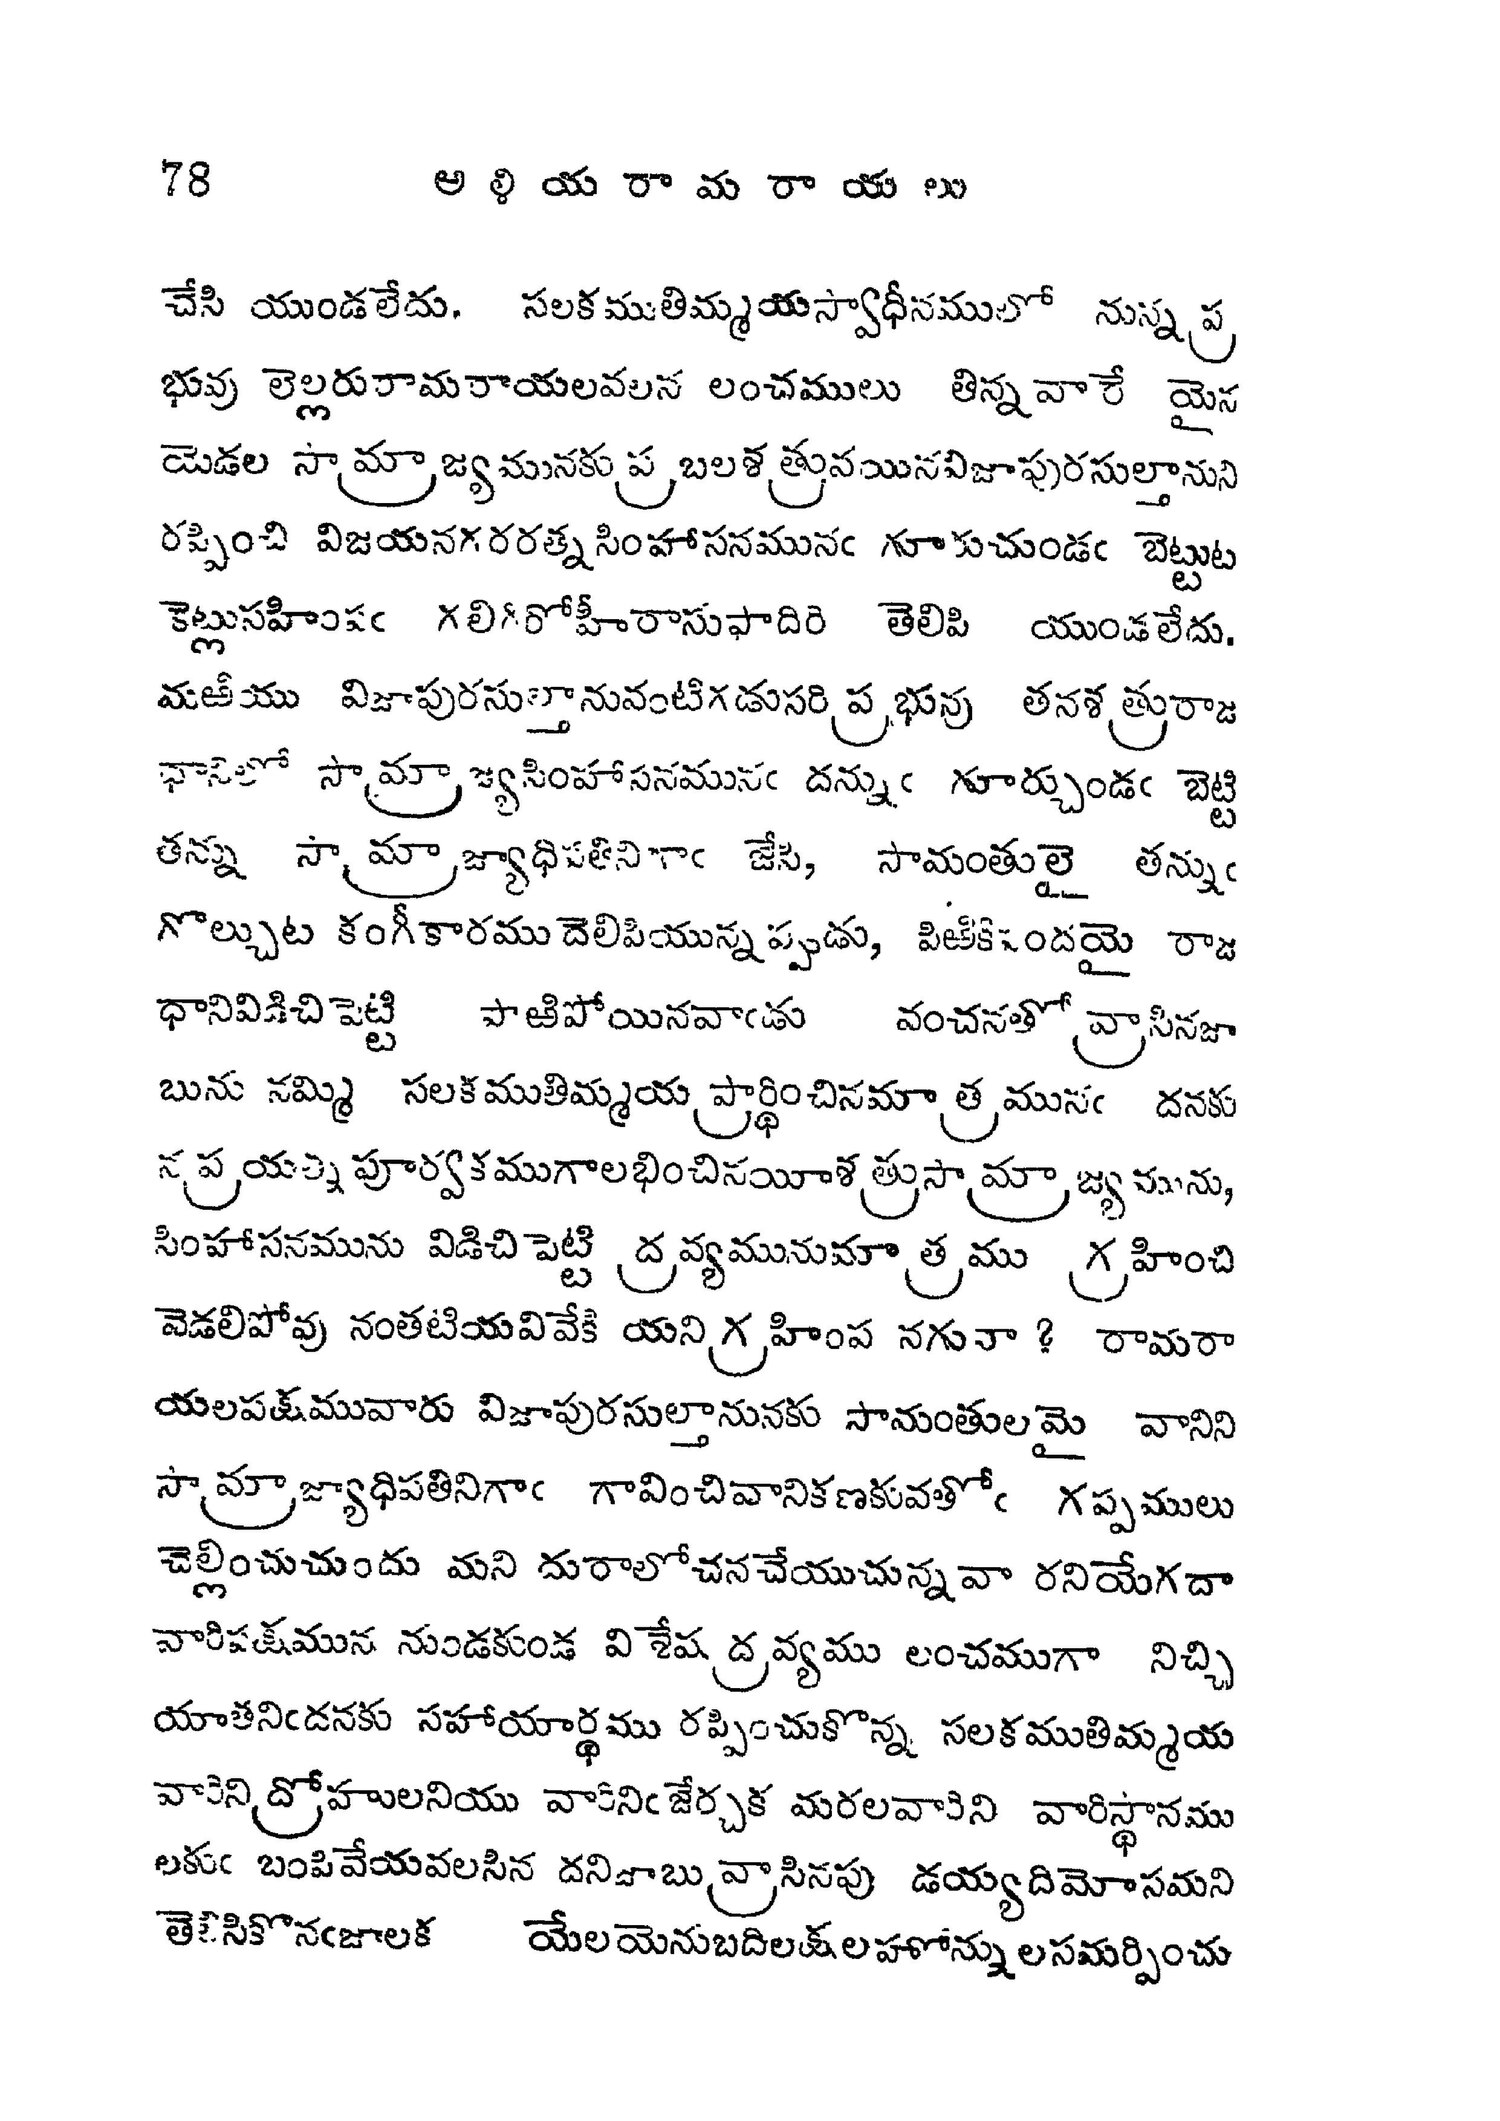చేసి యుండలేదు. సలకముతిమ్మయస్వాధీనములో నున్నప్రభువు లెల్లరురామరాయలవలన లంచములు తిన్నవారే యైనయెడల సామ్రాజ్యమునకు ప్రబలశత్రువయిన విజాపురసుల్తానుని రప్పించి విజయనగరరత్నసింహాసనమున గూరుచుండ బెట్టుట కెట్లుసహింప గలిగిరోహీరాసుఫాదిరి తెలిపి యుండలేదు. మఱియు విజాపురసుల్తానువంటిగడుసరిప్రభువు తనశత్రురాజధానిలో సామ్రాజ్య సింహాసనమున దన్ను గూర్చుండ బెట్టి తన్ను సామ్రాజ్యాధిపతినిగా జేసి, సామంతులై తన్ను గొల్చుట కంగీకారముదెలిపియున్నప్పుడు, పిఱికిపందయై రాజధానివిడిచిపెట్టి పాఱిపోయినవాడు వంచనతో వ్రాసినజాబును నమ్మి సలకముతిమ్మయప్రార్థించినమాత్రమున దనకు నప్రయత్నపూర్వకముగా లభించినయీశత్రుసామ్రాజ్యమును, సింహాసనమును విడిచిపెట్టి ద్రవ్యమునుమాత్రము గ్రహించి వెడలిపోవు నంతటియవివేకి యనిగ్రహింప నగునా? రామరాయలపక్షమువారు విజాపురసుల్తానునకు సామంతులమై వానిని సామ్రాజ్యాధిపతినిగా గావించివానికణకువతో గప్పములు చెల్లించుచుందు మని దురాలోచనచేయుచున్నవా రనియేగదా వారిపక్షమున నుండకుండ విశేషద్రవ్యము లంచముగా నిచ్చి యాతనిదనకు సహాయార్థము రప్పించుకొన్న సలకముతిమ్మయ వారినిద్రోహులనియు వారినిజేర్చక మరలవారిని వారిస్థానములకు బంపివేయవలసిన దనిజాబువ్రాసినపు డయ్యదిమోసమని తెలిసికొనజాలక యేలయెనుబదిలక్షలహొన్నులసమర్పించు